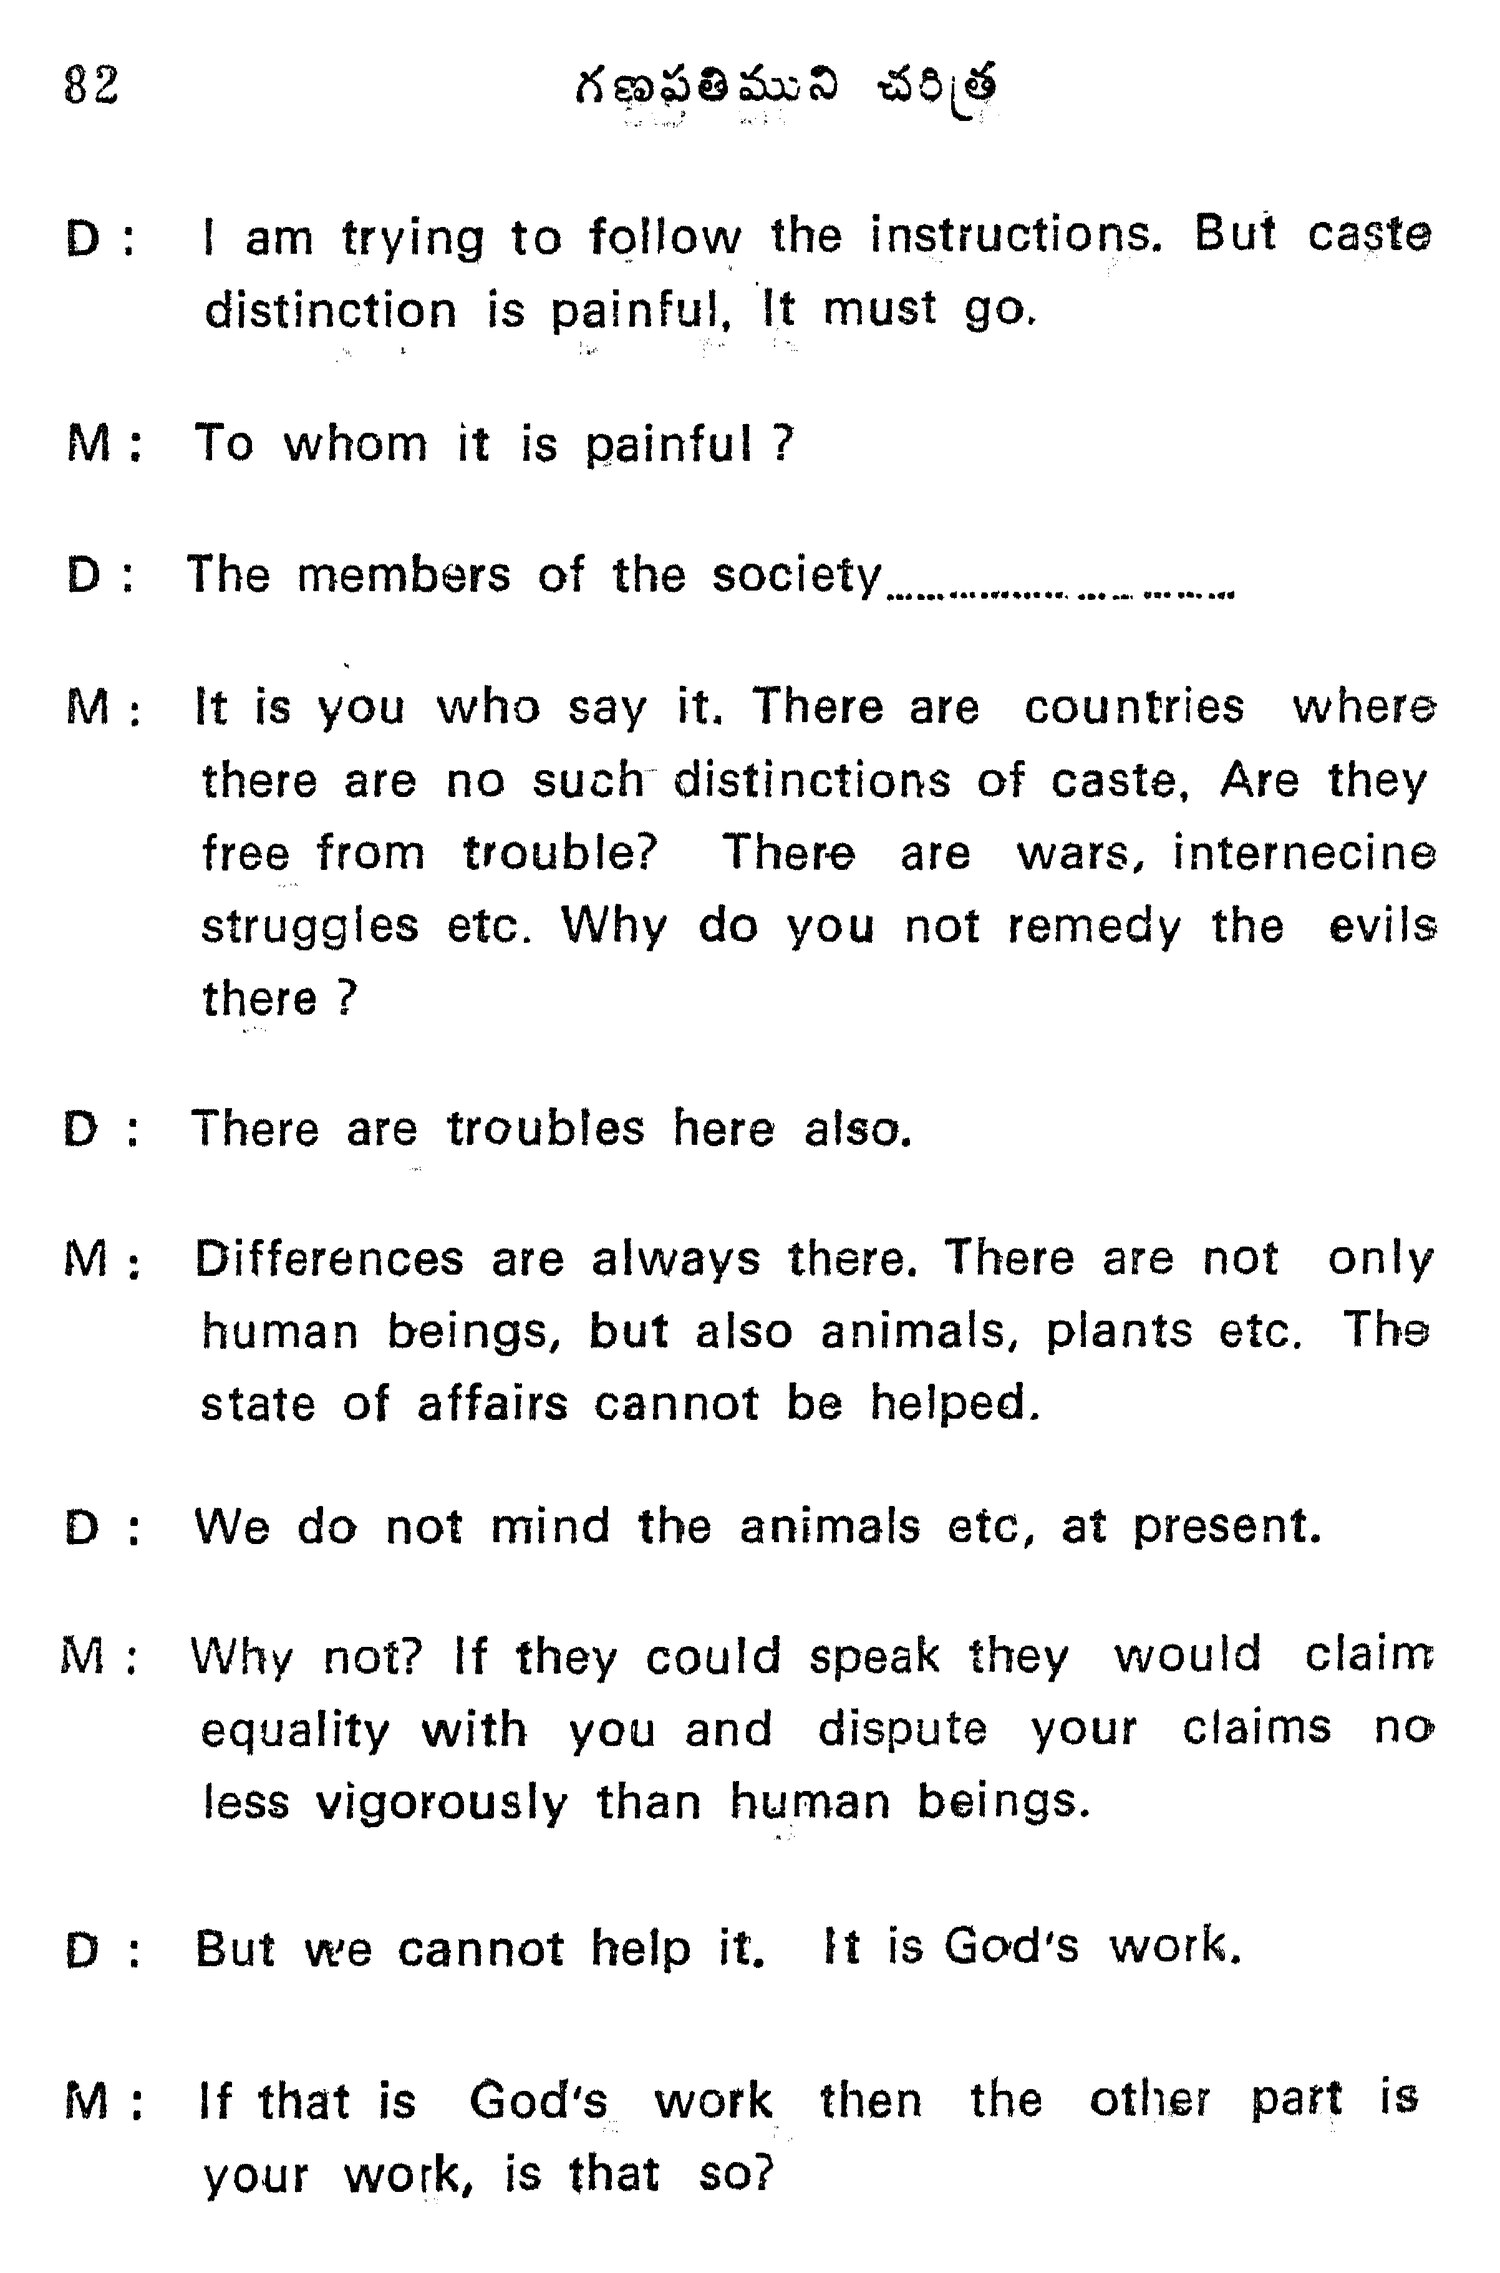D: I am trying to follow the instructions. But caste distinction is painful. It must go.

M: To whom it is painful?

D: The members of the society.........

M: It is you who say it. There are countries where there are no such distinctions of caste. Are they free from trouble? There are wars, internecine struggles etc. Why do you not remedy the evils there?

D: There are troubles here also.

M: Differences are always there. There are not only human beings, but also animals, plants etc. The state of affairs cannot be helped.

D: We do not mind the animals etc, at present.

M: Why not? If they could speak they would claim equality with you and dispute your claims no less vigorously than human beings.

D: But we cannot help it. It is Gods work.

M: If that is God's work then the other part is your work, is that so?